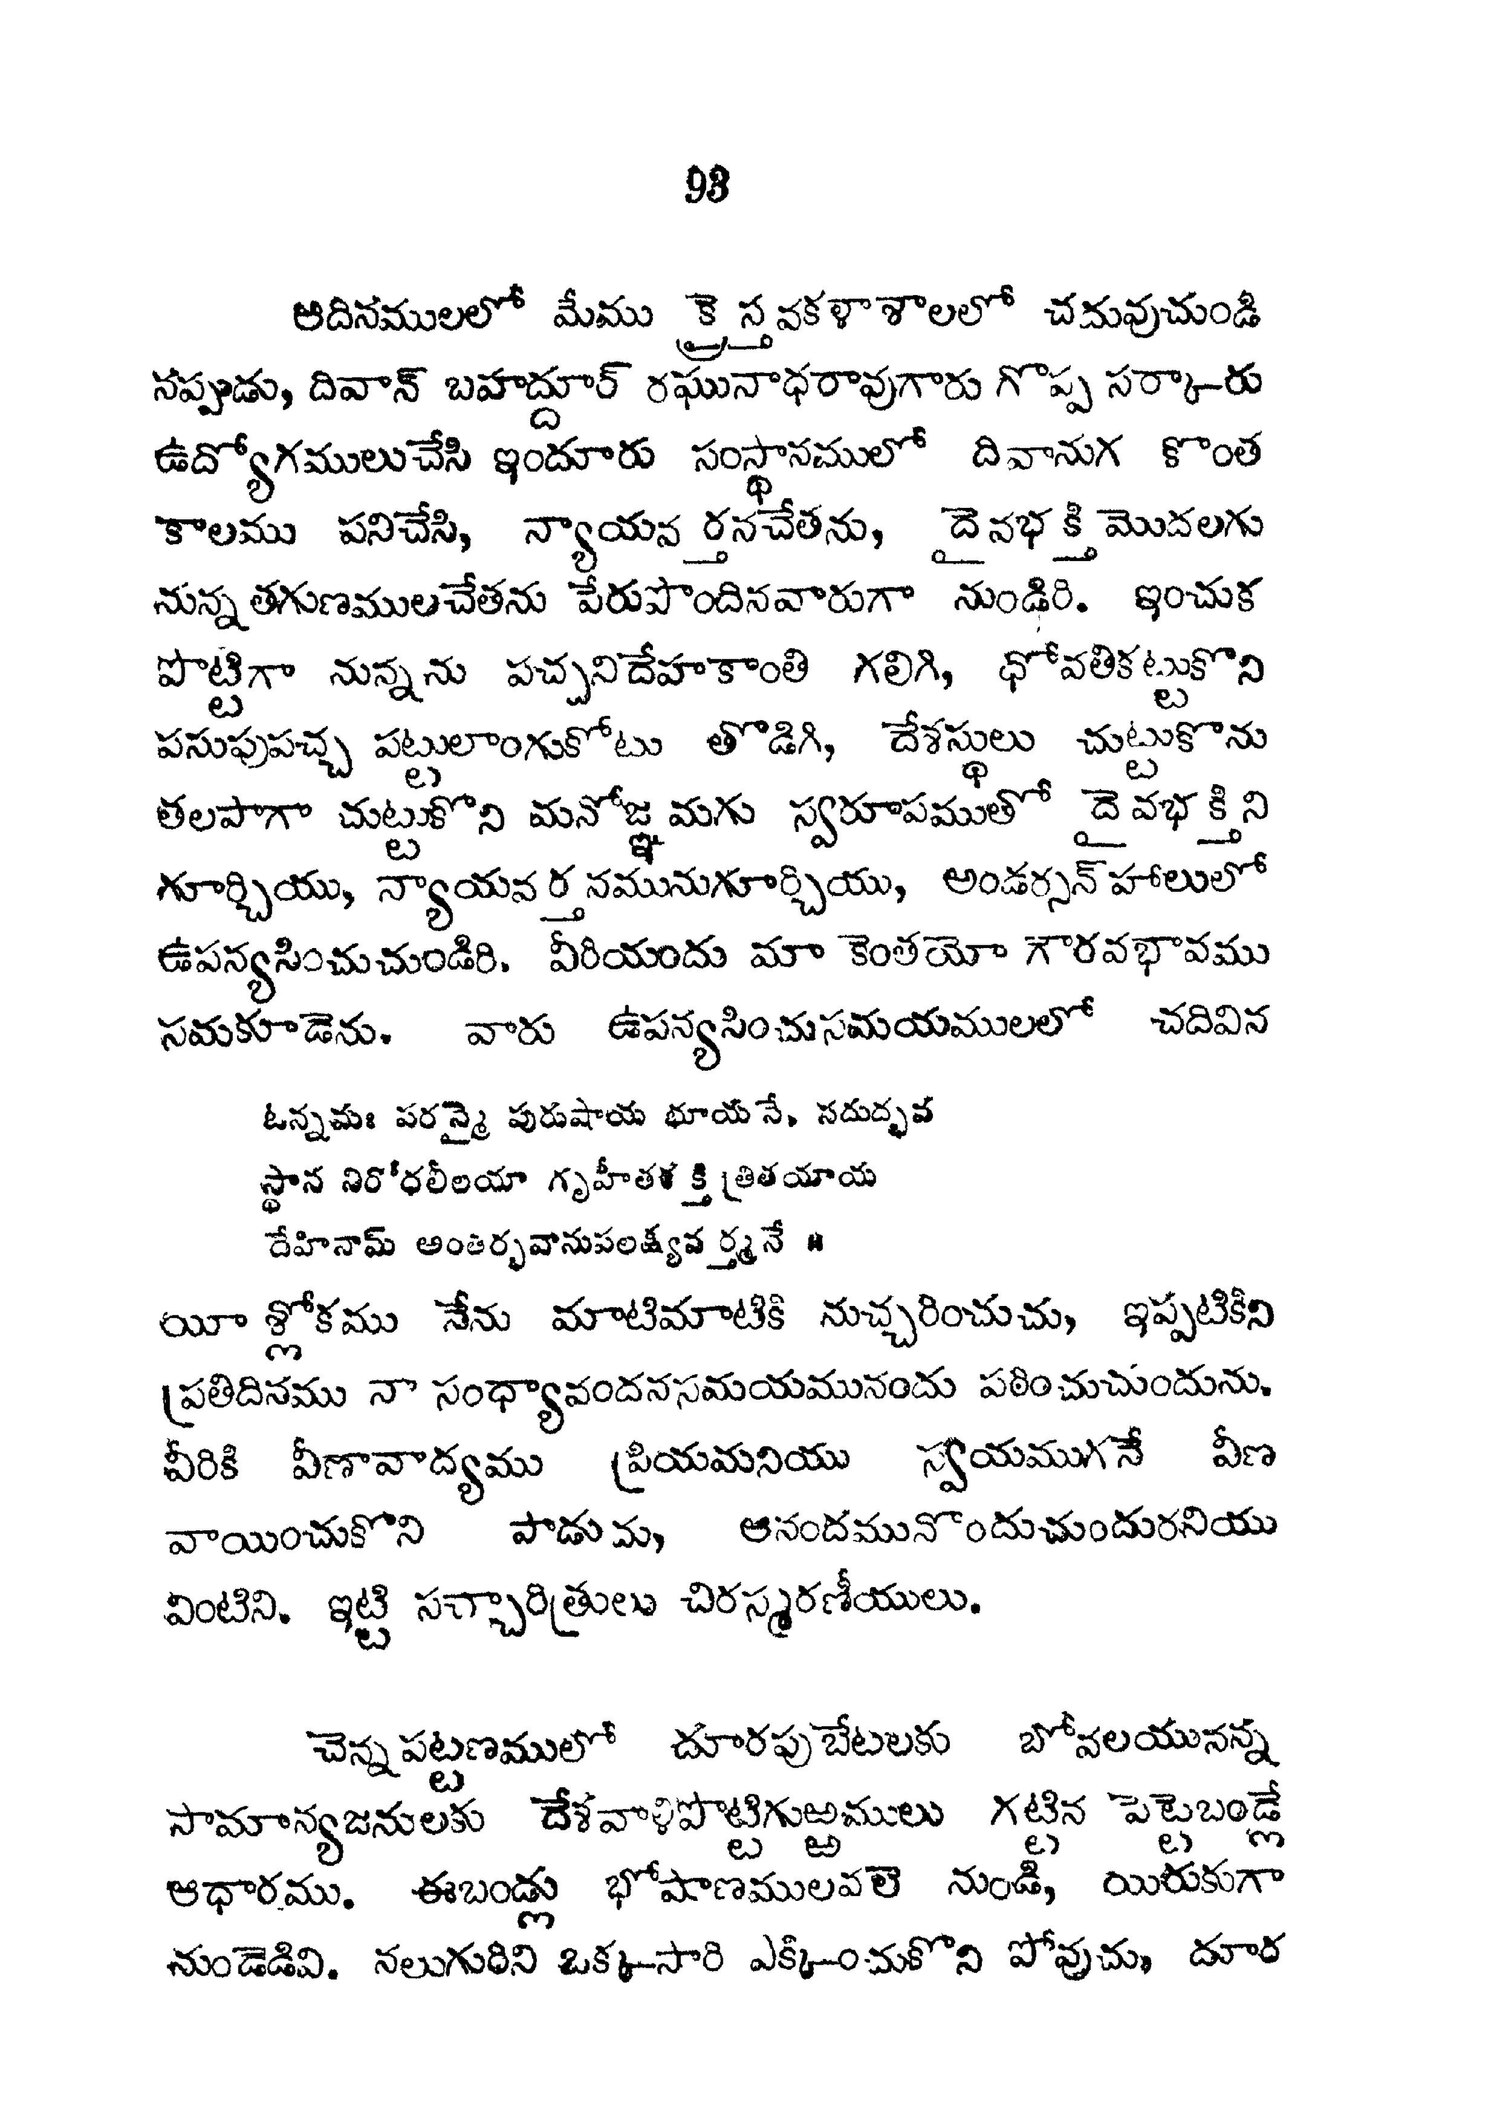ఆదినములలో మేము క్రైస్తవకళాశాలలో చదువుచుండినప్పుడు, దివాన్ బహద్దూర్ రఘునాధరావుగారు గొప్ప సర్కారు ఉద్యోగములుచేసి ఇందూరు సంస్థానములో దివానుగ కొంతకాలము పనిచేసి, న్యాయవర్తనచేతను, దైవభక్తిమొదలగు నున్నతగుణములచేతను పేరుపొందినవారుగా నుండిరి. ఇంచుక పొట్టిగా నున్నను పచ్చనిదేహకాంతి గలిగి, ధోవతికట్టుకొని పసుపుపచ్చ పట్టులాంగుకోటు తొడిగి, దేశస్థులు చుట్టుకొను తలపాగా చుట్టుకొని మనోజ్ఞమగు స్వరూపముతో దైవభక్తిని గూర్చియు, న్యాయవర్తనమునుగూర్చియు, అండర్సన్‌హాలులో ఉపన్యసించుచుండిరి. వీరియందు మా కెంతయో గౌరవభావము సమకూడెను. వారు ఉపన్యసించుసమయములలో చదివిన

 ఓన్నమ: పరన్మై పురుషాయ భూయసే సదుద్భవ
 స్థాన నిరోధలీలయా గృహీతశక్తి త్రితయాయ
 దేహినాం అంతర్భవానుపలక్ష్యవర్త్మనే

యీ శ్లోకము నేను మాటిమాటికి నుచ్చరించుచు, ఇప్పటికిని ప్రతిదినము నా సంధ్యావందనసమయమునందు పఠించుచుందును. వీరికి వీణావాద్యము ప్రియమనియు స్వయముగనే వీణ వాయించుకొని పాడుచు, ఆనందమునొందుచుందురనియు వింటిని. ఇట్టి సచ్చారిత్రులు చిరస్మరణీయులు.

చెన్నపట్టణములో దూరపుబేటలకు బోవలయునన్న సామాన్యజనులకు దేశవాళిపొట్టిగుఱ్ఱములు గట్టిన పెట్టెబండ్లే ఆధారము. ఈబండ్లు భోషాణములవలె నుండి, యిరుకుగా నుండెడివి. నలుగురిని ఒక్కసారి ఎక్కించుకొని పోవుచు, దూర